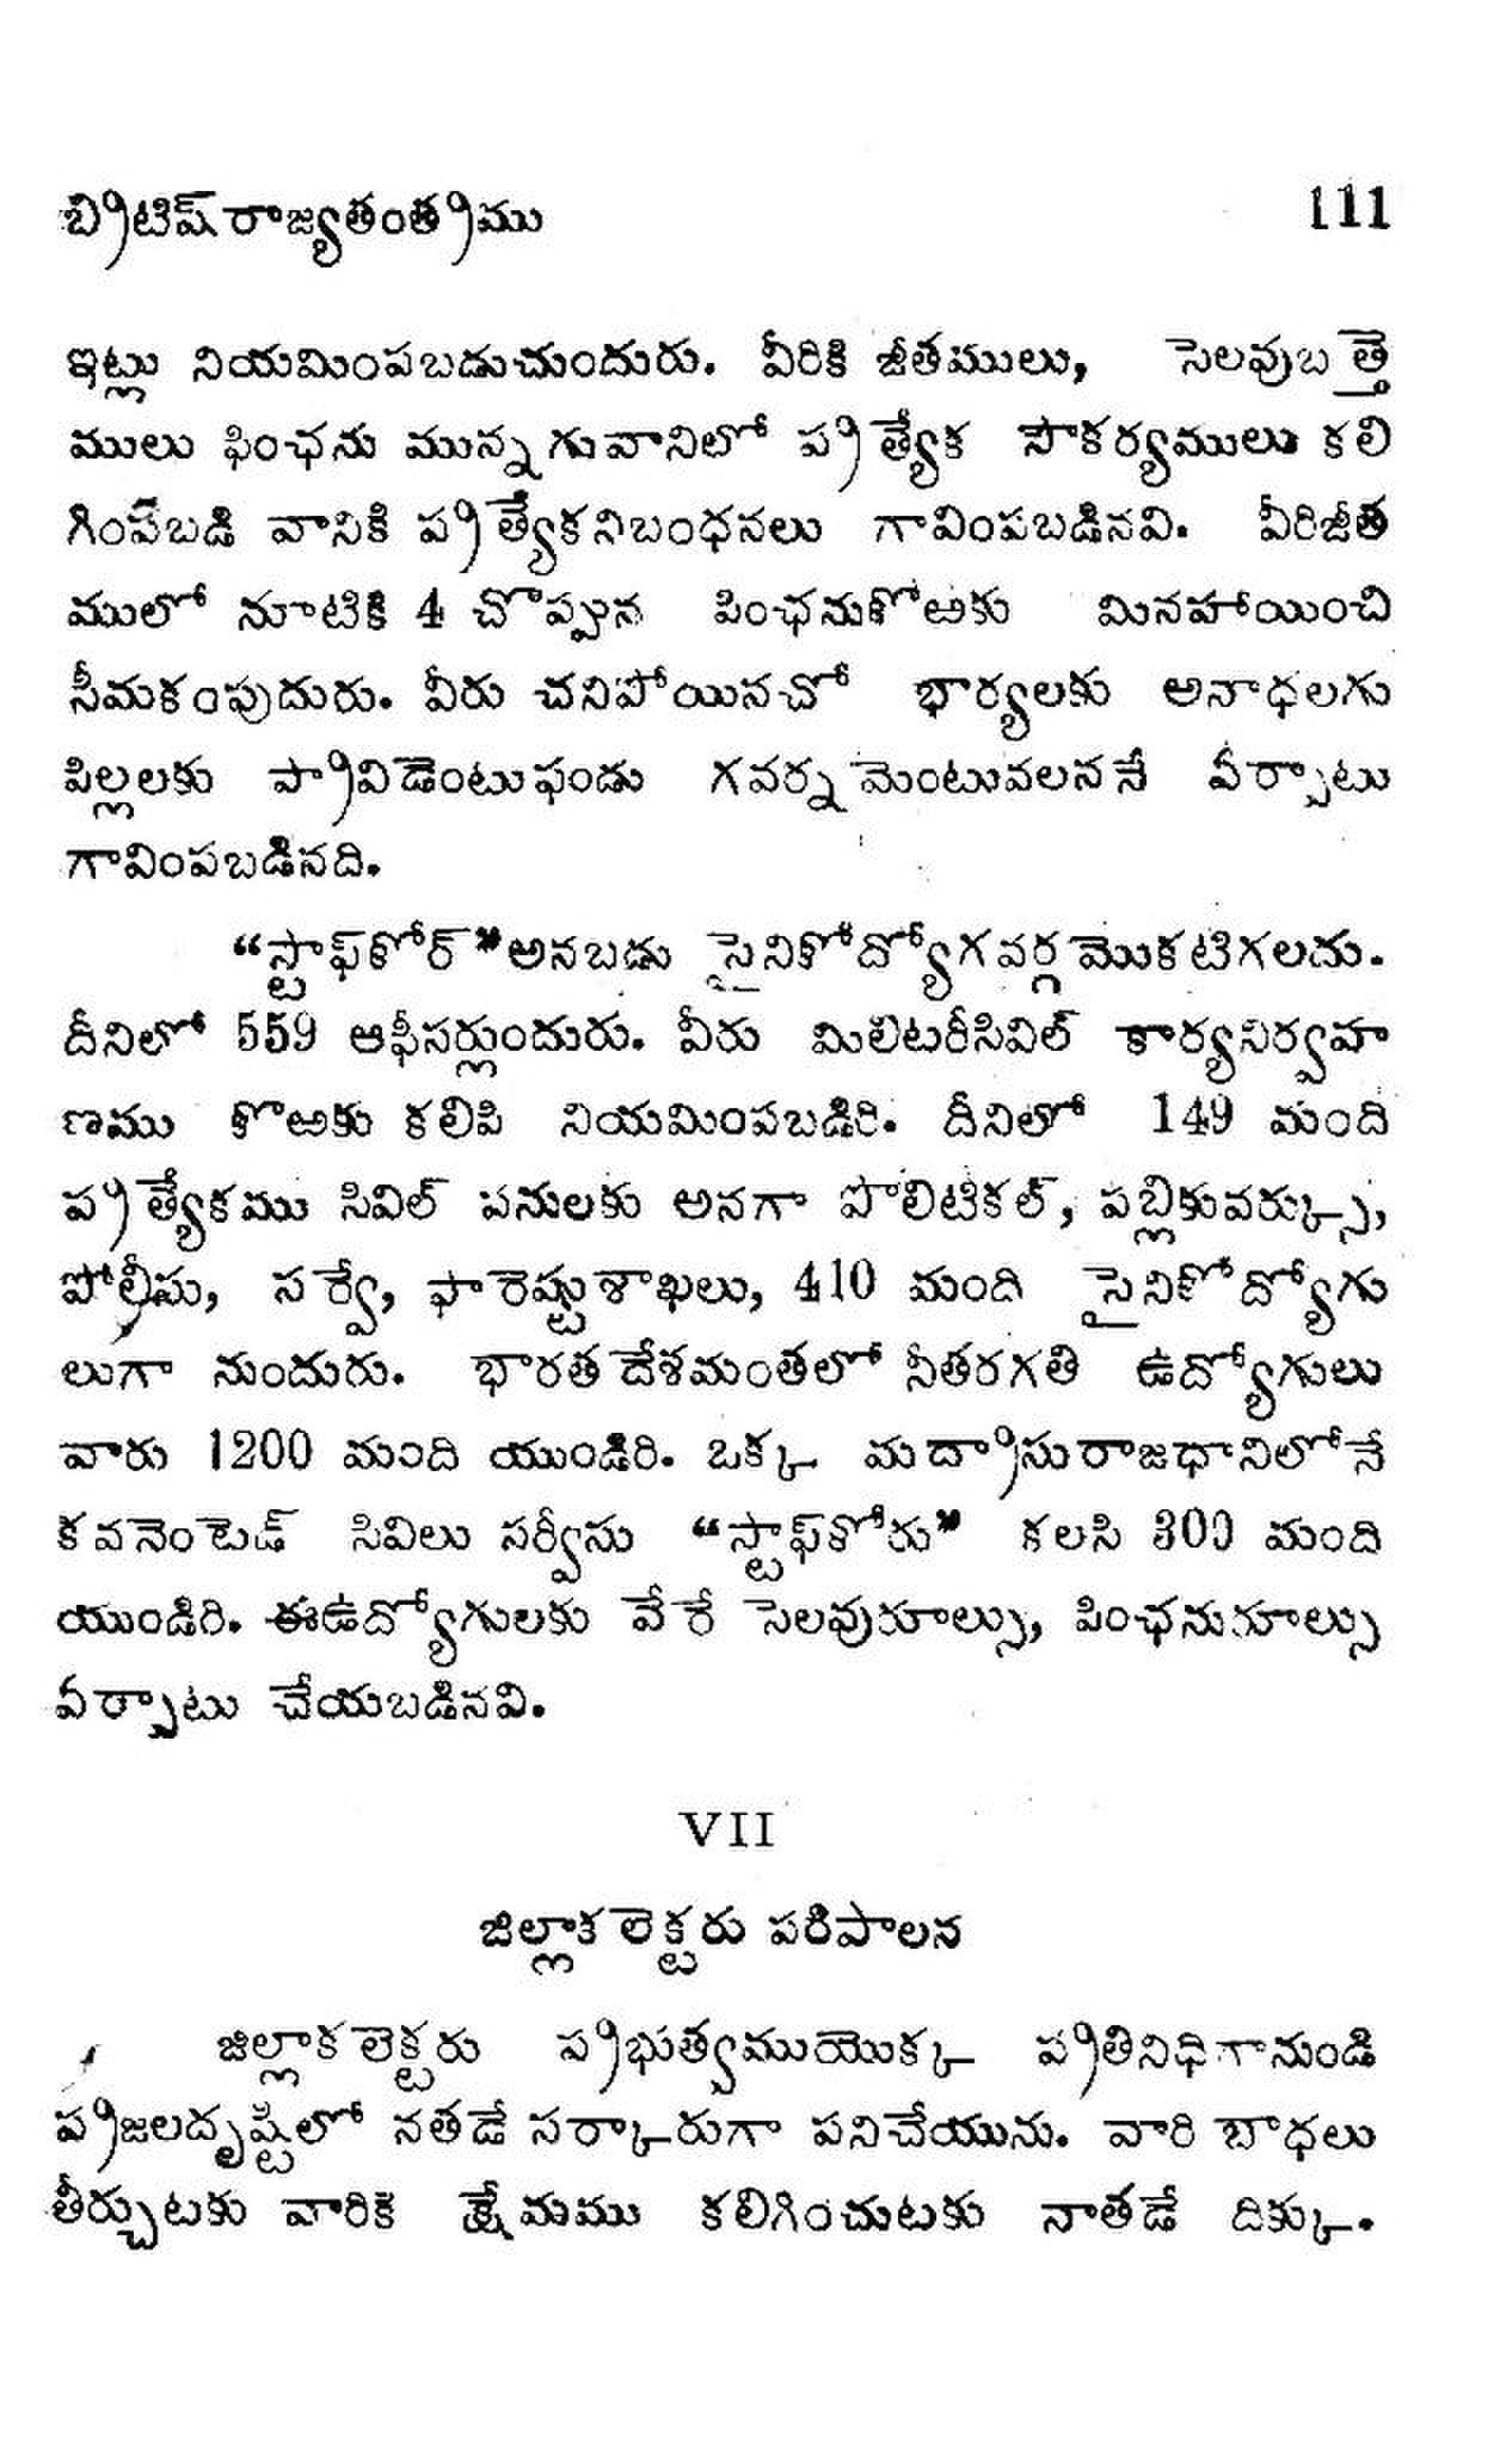ఇట్లు నియమింపబడుచుందురు. వీరికి జీతములు, సెలవుబత్తెములు ఫింఛను మున్నగువానిలో ప్రత్యేక సౌకర్యములు కలిగింపబడి వానికి ప్రత్యేకనిబంధనలు గావింపబడినవి. వీరిజీతములో నూటికి 4 చొప్పున పింఛనుకొఱకు మినహాయించి సీమకంపుదురు. వీరు చనిపోయినచో భార్యలకు అనాధలగు పిల్లలకు ప్రావిడెంటుఫండు గవర్నమెంటువలననే ఏర్పాటు గావింపబడినది.

“స్టాఫ్‌కోర్" అనబడు సైనికోద్యోగవర్గమొకటిగలదు. దీనిలో 559 ఆఫీసర్లుందురు. వీరు మిలిటరీసివిల్ కార్యనిర్వహణము కొఱకు కలిపి నియమింపబడిరి. దీనిలో 149 మంది ప్రత్యేకము సివిల్ పనులకు అనగా పొలిటికల్, పబ్లికువర్క్సు , పోలీసు, సర్వే, ఫారెష్టు శాఖలు, 410 మంది సైనికోద్యోగులుగా నుందురు. భారతదేశమంతలో నీతరగతి ఉద్యోగులు వారు 1200 మంది యుండిరి. ఒక్క మద్రాసురాజధానిలోనే కవనెంటెడ్ సివిలు సర్వీసు "స్టాఫ్‌కోరు" కలసి 300 మంది యుండిరి. ఈఉద్యోగులకు వేరే సెలవురూల్సు, పింఛనురూల్సు ఏర్పాటు చేయబడినవి.

VII
జిల్లాకలెక్టరు పరిపాలన 

జిల్లాకలెక్టరు ప్రభుత్వముయొక్క ప్రతినిధిగానుండి ప్రజలదృష్టిలో నతడే సర్కారుగా పనిచేయును. వారి బాధలు తీర్చుటకు వారికి క్షేమము కలిగించుటకు నాతడే దిక్కు.